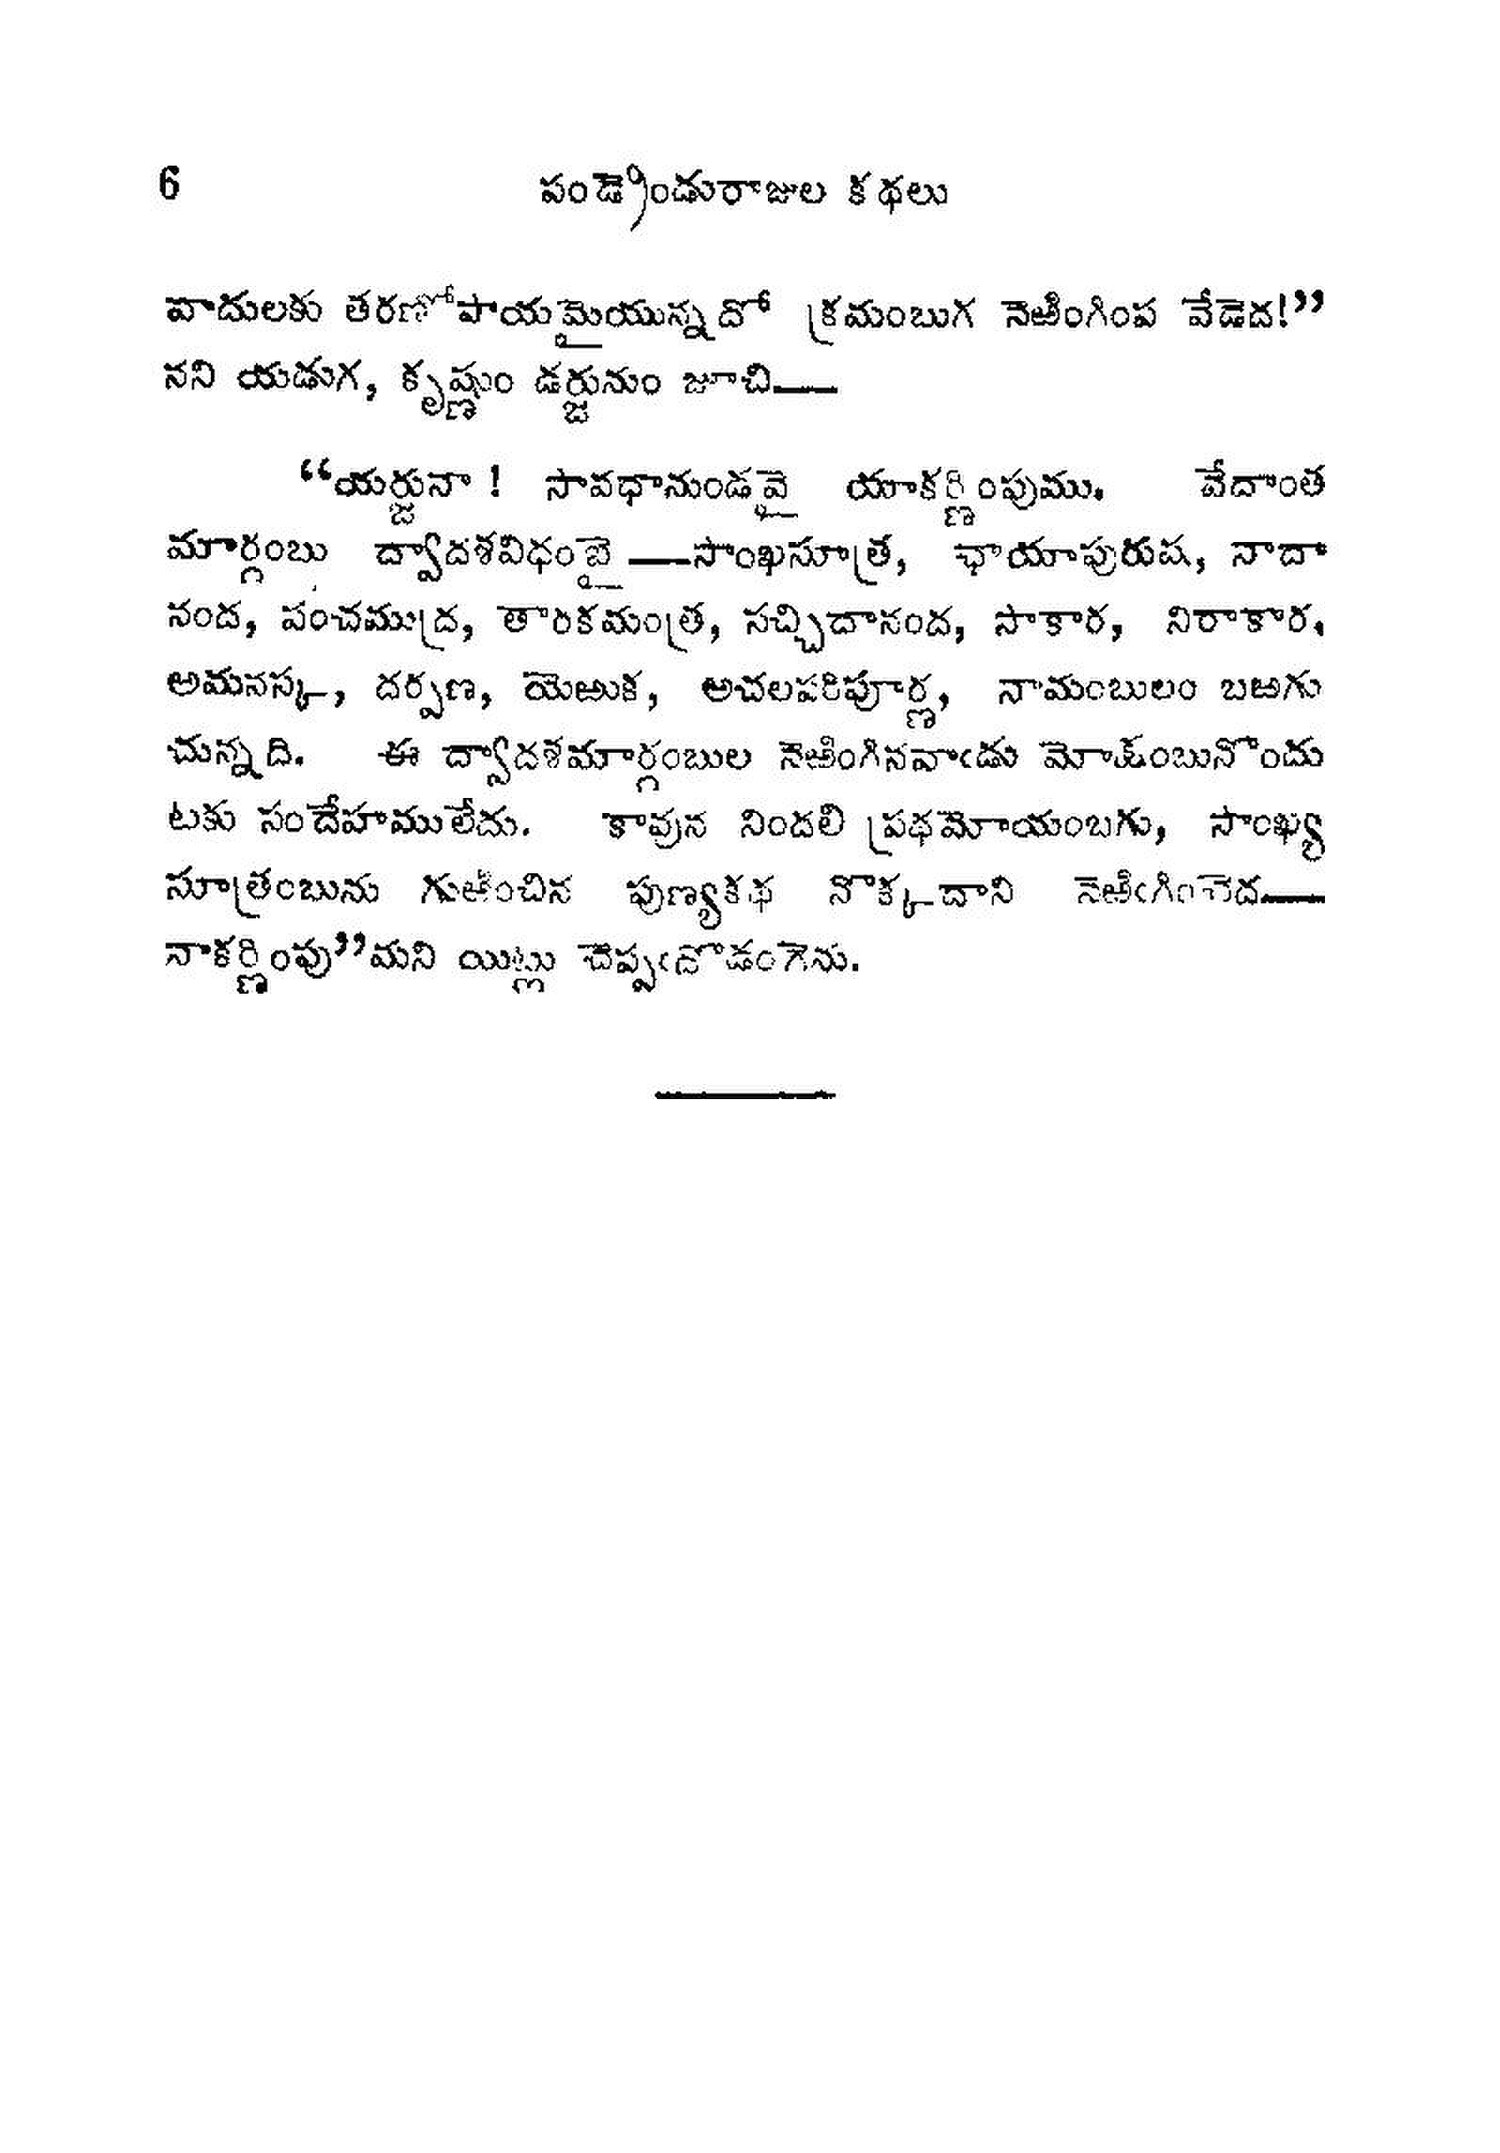వాదులకు తరణోపాయ మైయున్నదో క్రమంబుగ నెఱింగింప వేడెద!" నని యడుగ, కృష్ణుం డర్జునుం జూచి——

“యర్జునా ! సావధానుండవై యాకర్ణింపుము. వేదాంతమార్గంబు ద్వాదశవిధంబై —– సొంఖసూత్ర, ఛాయాపురుష, నాదానంద, పంచముద్ర, తారకమంత్ర, సచ్చిదానంద, సాకార, నిరాకార, అమనస్క, దర్పణ, యెఱుక, అచల పరిపూర్ణ, నామంబులం బఱగు చున్నది. ఈ ద్వాదశమార్గంబుల నెఱింగినవాఁడు మోక్షంబునొందుటకు సందేహము లేదు. కావున నిందలి ప్రథమోయంబగు, సాంఖ్య సూత్రంబును గుఱించిన పుణ్యకథ నొక్కదాని నెఱిఁగించెద—— నాకర్ణింపు" మని యిట్లు చెప్పదొడంగెను.